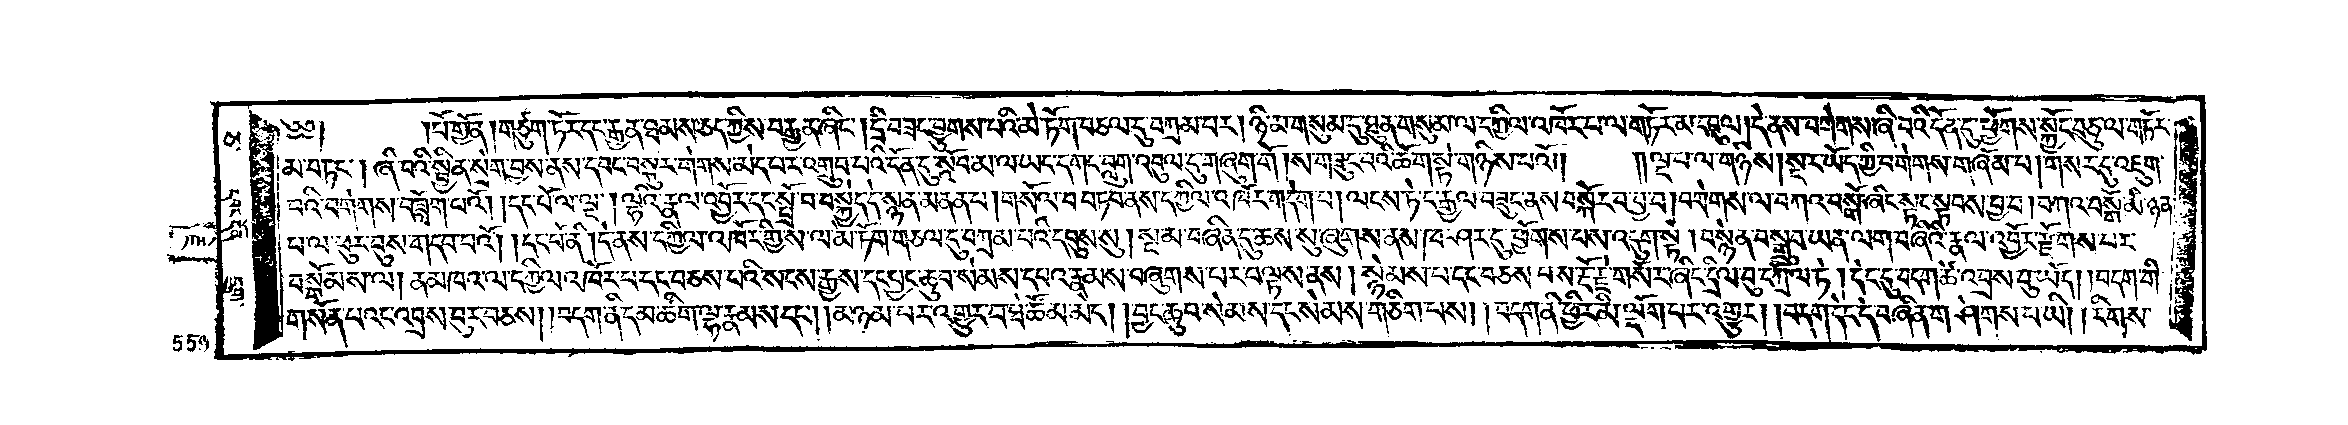༄༅། །པོ་གྱོན། གཙུག་ཏོར་དང་རྒྱན་ཐམས་ཅད་ཀྱིས་བརྒྱན་ཞིང་། དྲི་བཟང་བྱུགས་པའི་མེ་ཏོག་བཅལ་དུ་བཀྲམ་པར། ཉི་མ་གསུམ་དུ་ཐུན་གསུམ་ལ་དཀྱིལ་འཁོར་པ་ལ་གཏོར་མ་དབུལ་།དེ་ནས་བགེགས་ཞི་བའི་དོན་དུ་ཕྱོགས་སྐྱོང་བཅུ་ལ་གཏོར་
མ་བཏང་། ཞི་བའི་སྦྱིན་སྲེག་བྱས་ནས་དབང་བསྐུར་གེགས་མེད་པར་འགྲུབ་པའི་དོན་དུ་སློབ་མ་ལ་ཡང་དགང་བླུག་འབུལ་དུ་གཞུག་གོ །ས་གཟུང་བའི་ཆོ་ག་སྟེ་གཉིས་པའོ།། །།ལྔ་པ་ལ་གཉིས། སྔར་ཡོད་ཀྱི་བགེགས་གཞོམ་པ། གསར་དུ་འཇུག་
པའི་བགེགས་བཟློག་པའོ། །དང་པོ་ལ་ལྔ། ལྷའི་རྣལ་འབྱོར་དང་སྤྲོ་བ་བསྐྱེད་དེ་སྙན་མནན་པ། གསོལ་བ་བཏབ་ནས་དཀྱིལ་འཁོར་གདེག་པ། ལངས་ཏེ་ང་རྒྱལ་བཟུང་ནས་བསྐོར་བ་བྱ་བ། བགེགས་ལ་བཀའ་བསྒོ་ཞིང་སྟང་སྟབས་བྱ་བ། བཀའ་བསྒོ་མི་ཉན་
པ་ལ་ཕུར་བུས་གདབ་པའོ། །དང་པོ་ནི། དེ་ནས་དཀྱིལ་འཁོར་གྱི་ས་ལ་མེ་ཏོག་གཅལ་དུ་བཀྲམ་པའི་དབུས་སུ། སྔ་མ་བཞིན་དུ་ཆས་སུ་ཞུགས་ནས་ཁ་ཤར་དུ་ཕྱོགས་པས་འདུག་སྟེ། བསྙེན་བསྒྲུབ་ཡན་ལག་བཞིའི་རྣལ་འབྱོར་རྫོགས་པར་
བསྒོམས་ལ། ནམ་མཁའ་ལ་དཀྱིལ་འཁོར་པ་དང་བཅས་པའི་སངས་རྒྱས་དང་བྱང་ཆུབ་སེམས་དཔའ་རྣམས་བཞུགས་པར་བལྟས་ནས། སྙེམས་པ་དང་བཅས་པས་རྡོ་རྗེ་གསོར་ཞིང་དྲིལ་བུ་དཀྲོལ་ཏེ། དེང་དུ་བདག་ཚེ་འབྲས་བུ་ཡོད། །བདག་གི་
གསོན་པའང་འབྲས་བུར་བཅས། །བདག་ནི་དམ་ཚིག་ལྷ་རྣམས་དང་། །མཉམ་པར་འགྱུར་བ་ཐེ་ཚོམ་མེད། །བྱང་ཆུབ་སེམས་དང་སེམས་གཅིག་པས། །བདག་ནི་ཕྱིར་མི་ལྡོག་པར་འགྱུར། །བདག་དེང་དེ་བཞིན་གཤེགས་པ་ཡི། །རིགས་